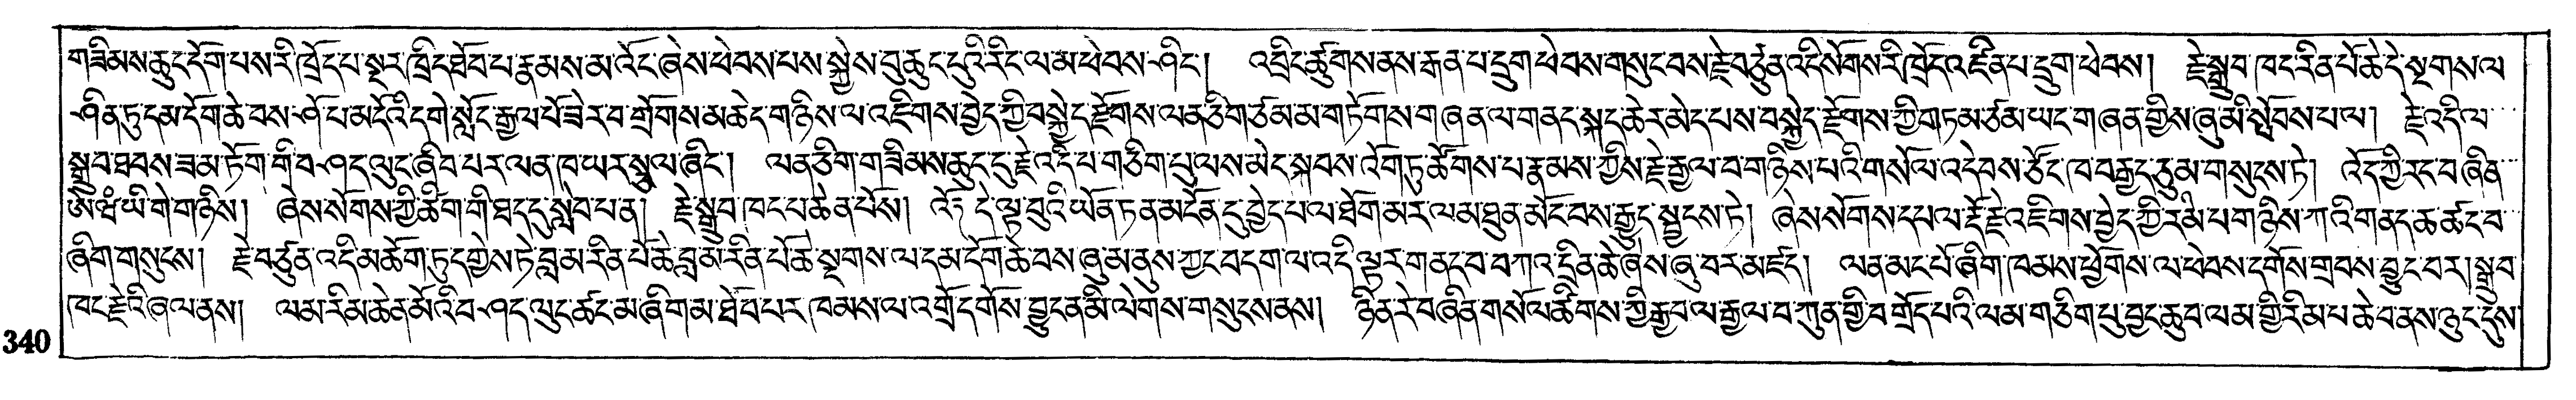གཟིམས་ཆུང་དོག་པས་རི་ཁྲོད་པ་སྔར་ཁྲིད་ཐོབ་པ་རྣམས་མ་འོང་ཞེས་ཕེབས་པས་སྐྱེས་བུ་ཆུང་དུའི་རིང་ལམ་ཕེབས་ཤིང་། འབྲིང་ཚུགས་ནས་རྒན་པ་དྲུག་ཕེབས་གསུང་བས་རྗེ་བཙུན་འདི་སོགས་རི་ཁྲོད་འཛིན་པ་དྲུག་ཕེབས། རྗེ་སྒྲུབ་ཁང་རིན་པོ་ཆེ་དེ་སྔགས་ལ་
ཤིན་ཏུ་དམ་དོག་ཆེ་བས་ཤོ་པ་མདོའི་དགེ་སློང་རྒྱལ་པོ་ཟེར་བ་གྲོགས་མཆེད་གཉིས་ལ་འཇིགས་བྱེད་ཀྱི་བསྐྱེད་རྫོགས་ལན་ཅིག་ཙམ་མ་གཏོགས་གཞན་ལ་གནང་སྐད་ཆེར་མེད་པས་བསྐྱེད་རྫོགས་ཀྱི་གཏམ་ཙམ་ཡང་གཞན་གྱིས་ཞུ་མི་སྤོབས་པ་ལ། རྗེ་འདི་ལ་
སྒྲུབ་ཐབས་ཟ་མ་ཏོག་གི་བཤད་ལུང་ཞིབ་པར་ལན་ཁ་ཡར་སྩལ་ཞིང་། ལན་ཅིག་གཟིམས་ཆུང་དུ་རྗེ་འདི་པ་གཅིག་པུ་ལས་མེད་སྐབས་འོག་ཏུ་ཚོགས་པ་རྣམས་ཀྱིས་རྗེ་རྒྱལ་བ་གཉིས་བའི་གསོལ་འདེབས་ཙོང་ཁ་བརྒྱད་ཅུ་མ་གསུངས་ཏེ། འོད་ཀྱི་རང་བཞིན་
ཨེ་ཝཾ་ཡི་གེ་གཉིས། ཞེས་སོགས་ཀྱི་ཚིག་གི་ཐད་དུ་སླེབ་པ་ན། རྗེ་སྒྲུབ་ཁང་པ་ཆེན་པོས། འོ༑ དེ་ལྟ་བུའི་ཡོན་ཏན་མངོན་དུ་བྱེད་བ་ལ་ཐོག་མར་ལམ་ཐུན་མོང་བས་རྒྱུད་སྦྱངས་ཏེ། ཞེས་སོགས་དཔལ་རྡོ་རྗེ་འཇིགས་བྱེད་ཀྱི་རིམ་པ་གཉིས་ཀའི་གནད་ཆ་ཚང་བ་
ཞིག་གསུངས། རྗེ་བཙུན་འདི་མཆོག་ཏུ་དགྱེས་ཏེ་བླ་མ་རིན་པོ་ཆེ་བླ་མ་རིན་པོ་ཆེ་སྔགས་ལ་དམ་དོག་ཆེ་བས་ཞུ་མ་ནུས་ཀྱང་བདག་ལ་འདི་ལྟར་གནང་བ་བཀའ་དྲིན་ཆེ་ཞེས་ཞུས་བར་མཛད། ལན་མང་པོ་ཞིག་ཁམས་ཕྱོགས་ལ་ཕེབས་དགོས་གྲགས་བྱུང་བར། སྒྲུབ་
ཁང་རྗེའི་ཞལ་ནས། ལམ་རིམ་ཆེན་མོའི་བཤད་ལུང་ཚང་མ་ཞིག་མ་ཐོབ་བར་ཁམས་ལ་འགྲོ་དགོས་བྱུང་ན་མི་ལེགས་གསུངས་ནས། ཉིན་རེ་བཞིན་གསོལ་ཚིགས་ཀྱི་རྒྱབ་ལ་རྒྱལ་བ་ཀུན་གྱི་བགྲོད་པའི་ལམ་གཅིག་པུ་བྱང་ཆུབ་ལམ་གྱི་རིམ་པ་ཆེ་བ་ནས་ཉུང་དུས་